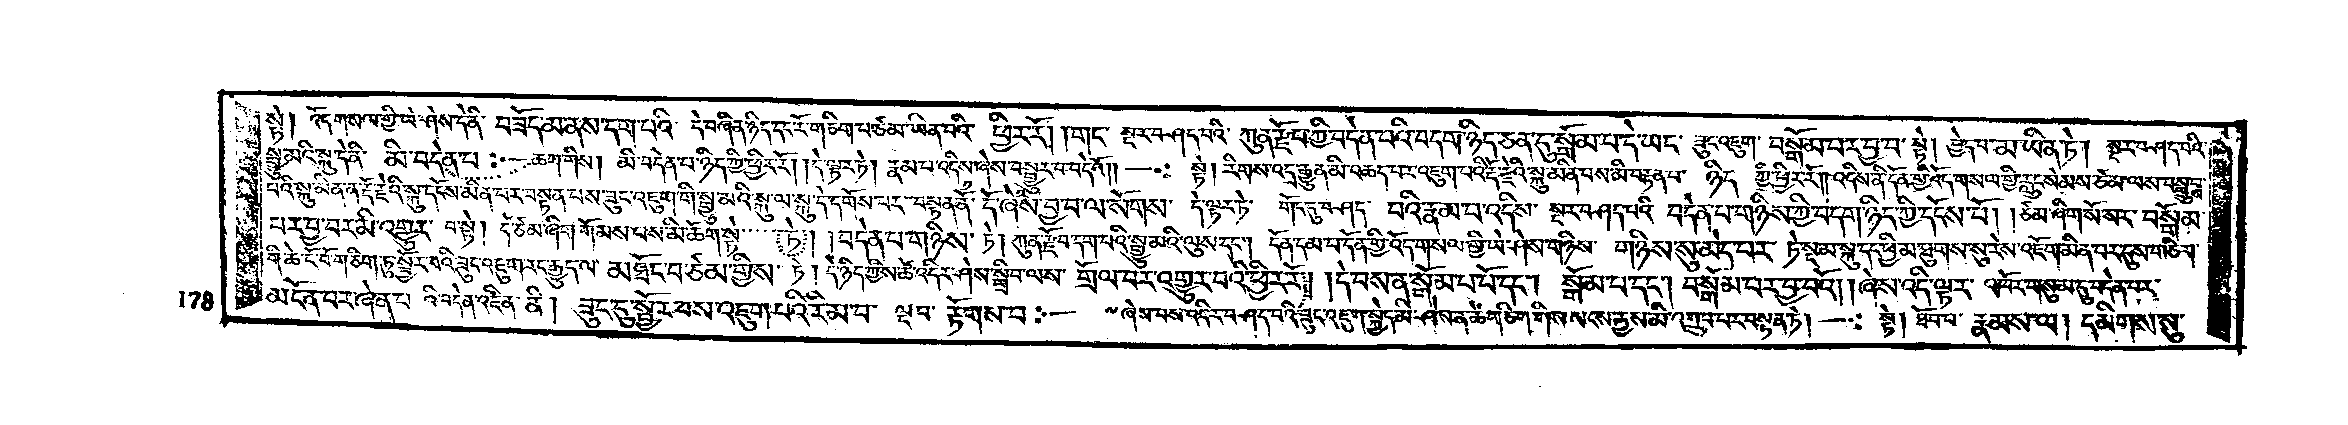སྟེ། འོད་གསལ་གྱི་ཡེ་ཤེས་དེ་ནི་བཟོད་མ་ནས་དག་པའི་དེ་བཞིན་ཉིད་དང་རོ་གཅིག་པ་ཙམ་ཡིན་པའི་ཕྱིར་རོ། །གང་སྔར་བཤད་པའི་ཀུན་རྫོབ་ཀྱི་བདེན་པའི་བདག་ཉིད་ཅན་དུ་སྒོམ་པ་དེ་ཡང་ཟུང་འཇུག་བསྒོམ་པར་བྱ་བ་སྟེ། བྱེད་པ་མ་ཡིན་ཏེ། སྔར་བཤད་པའི་
སྒྱུ་མའི་སྐུ་དེ་ནི་མི་བདེན་པ་H.་ཚིག་གིས། མི་བདེན་པ་ཉིད་ཀྱི་ཕྱིར་རོ། །དེ་ལྟར་ཏེ། རྣམ་པ་འདིས་ཞེས་བསྒྱུར་བ་བདེའོ།། .H སྟེ། རིགས་འདྲ་རྒྱུན་མི་འཆད་པར་འཇུག་པའི་རྡོ་རྗེའི་སྐུ་མིན་པས་མི་བརྟན་པ་ཉིད་ཀྱི་ཕྱིར་རོ། །འདིས་ནི་དོན་གྱི་འོད་གསལ་གྱི་རླུང་སེམས་ཙམ་ལས་བསྒྲུབས་
པའི་སྐུ་མིན་ན་རྡོ་རྗེའི་སྐུ་དངོས་མིན་པར་བསྟན་པས་ཟུང་འཇུག་གི་སྒྱུ་མའི་སྐུ་ལ་སྐུ་དེ་དགོས་པར་བསྟན་ནོ ༡་དོ ༢་ཞེས་བྱ་བ་ལ་སོགས་དེ་ལྟར་ཏེ་གོང་དུ་བཤད་པའི་རྣམ་པ་འདིས་སྔར་བཤད་པའི་བདེན་པ་གཉིས་ཀྱི་བདག་ཉིད་ཀྱི་དངོས་པོ། །ཙམ་ཞིག་སོ་སོར་བསྒོམ་
པར་བྱ་བར་མི་འགྱུར་བ་སྟེ། དེ་ཙམ་ཞིག་གོམས་པས་མི་ཆོག་སྟེ་ཏེ། །བདེན་པ་གཉིས་ཏེ། ཀུན་རྫོབ་དག་པའི་སྒྱུ་མའི་ལུས་དང་། དོན་དམ་པ་དོན་གྱི་འོད་གསལ་གྱི་ཡེ་ཤེས་གཉིས་གཉིས་སུ་མེད་པར་ཏེ་སྔ་མ་སྐུ་དང་ཕྱི་མ་ཐུགས་སུ་རེས་འཇོག་མིན་པར་དུས་གཅིག་
གི་ཆེ་ངོ་བོ་གཅིག་ཏུ་སྦྱོར་བའི་ཟུང་འཇུག་རང་རྒྱུད་ལ་མཐོང་བ་ཙམ་གྱིས་ཏེ། དེ་ཉིད་ཀྱིས་ཚེ་འདིར་ཤེས་སྒྲིབ་ལས་གྲོལ་བར་འགྱུར་བའི་ཕྱིར་རོ། །དེ་བས་ན་སྒོམ་པ་པོ་དང་། སྒོམ་པ་དང་། བསྒོམ་པར་བྱ་བའོ། །ཞེས་འདི་ལྟར་འཁོར་གསུམ་དུ་བདེན་པར
མངོན་པར་ཞེན་པའི་བདེན་འཛིན་ནི། ཟུང་དུ་སྦྱོར་བས་འཇུག་པའི་རིམ་པ་ལྔ་པ་རྟོགས་པ་H.་༧་ཞེས་པས་འདིར་བཤད་པའི་ཟུང་འཇུག་སྐྱེད་མི་ཤེས་ན་ཚེ་གཅིག་གིས་སངས་རྒྱས་མི་འགྲུབ་པར་བསྟན་ཏེ། .H སྟེ། ཐོབ་པ་རྣམས་ལ། དམིགས་སུ་